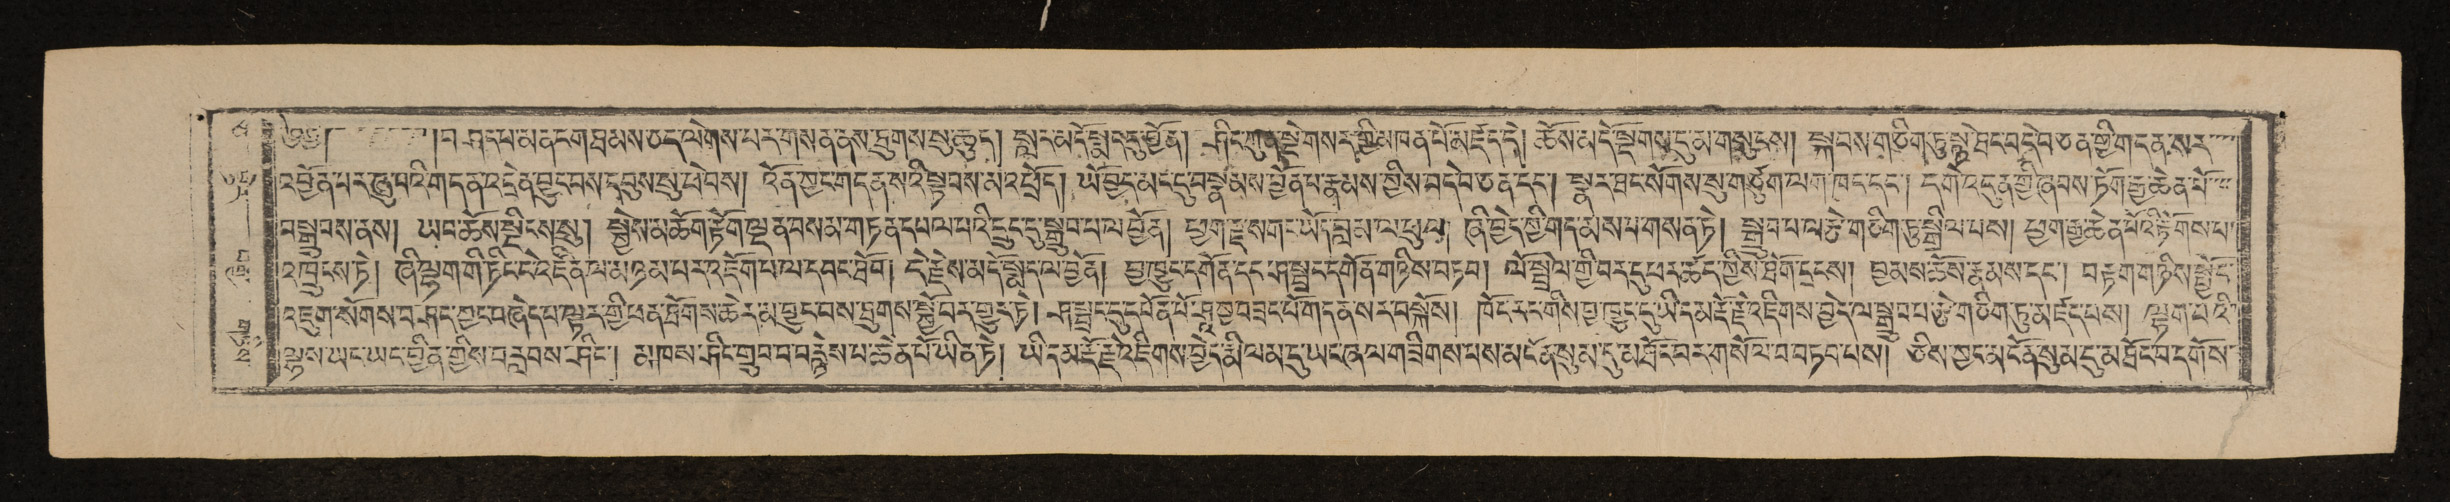༄༅། །བཤད་པ་མན་ངག་ཐམས་ཅད་ལེགས་པར་གསན་ནས་ཐུགས་སུ་ཆུད། སླར་མདོ་སྨད་དུ་བྱོན། ཤིང་ཀུན་སྡེ་གསར་གྱི་མཁན་པོ་མཛད་དེ། ཆོས་མདོ་སྔགས་དུ་མ་གསུངས། སྐབས་གཅིག་ཏུ་སྙེ་ཐང་བདེ་བ་ཅན་གྱི་གདན་སར་
འབྱོན་པར་ཞུ་བའི་གདན་འདྲེན་བྱུང་བས་དབུས་སུ་ཕེབས། འོན་ཀྱང་གདན་སའི་སྟབས་མ་འཕྲོད། ཡོ་བྱད་མང་དུ་བསྣམས་བྱོན་པ་རྣམས་ཀྱིས་བདེ་བ་ཅན་དང་། སྣར་ཐང་སོགས་སུ་གཙུག་ལག་ཁང་དང་། དགེ་འདུན་གྱི་ཞབས་ཏོག་རྒྱ་ཆེན་པོ་
བསྒྲུབས་ནས། ཡབ་ཆོས་སྡིངས་སུ། སྐྱེས་མཆོག་རྟོག་ལྡན་བསམ་གཏན་དཔལ་བའི་དྲུང་དུ་སྒྲུབ་པ་ལ་བྱོན། ཕྱག་རྫས་གང་ཡོད་བླ་མ་ལ་ཕུལ། ཞི་བྱེད་ཀྱི་གདམས་པ་གསན་ཏེ། སྒྲུབ་པ་ལ་རྩེ་གཅིག་ཏུ་སྒྲིལ་བས། ཕྱག་རྒྱ་ཆེན་པོའི་རྟོགས་པ་
འཁྲུངས་ཏེ། ཞི་ལྷག་གི་ཏིང་ངེ་འཛིན་ལ་མཉམ་པར་འཇོག་པ་ལ་དབང་ཐོབ། དེ་རྗེས་མདོ་སྨད་ལ་བྱོན། བྱ་ཁྱུང་དགོན་དང་ཤ་སྦྲང་དགོན་གཉིས་བཏབ། ལོ་སྦྲིལ་གྱི་བར་དུ་ཐར་ཚད་ཀྱིས་ཐོག་དྲངས། བྱམས་ཆོས་རྣམས་དང་། བརྟག་གཉིས་སྤྱོད་
འཇུག་སོགས་བཤད་ཀྱང་བཞེད་པ་ལྟར་གྱི་ཕན་ཐོགས་ཆེར་མ་བྱུང་བས་ཐུགས་སྐྱོ་བར་གྱུར་ཏེ། ཤ་སྦྲང་དུ་དཔོན་པོ་ཤཱཀྱ་བཟང་པོ་གདན་སར་བསྐོས། ཁོང་རང་གིས་བྱ་ཁྱུང་དུ་ཡི་དམ་རྡོ་རྗེ་འཇིགས་བྱེད་ལ་སྒྲུབ་པ་རྩེ་གཅིག་ཏུ་མཛད་པས། ལྷག་པའི་
ལྷས་ཡང་ཡང་བྱིན་གྱིས་བརླབས་ཤིང་། མཁས་ཤིང་གྲུབ་པ་བརྙེས་པ་ཆེན་པོ་ཡིན་ཏེ། ཡི་དམ་རྡོ་རྗེ་འཇིགས་བྱེད་རྨི་ལམ་དུ་ཡང་ཞལ་གཟིགས་པས་མངོན་སུམ་དུ་མཐོང་བར་གསོལ་བ་བཏབ་པས། ཅིས་ཀྱང་མངོན་སུམ་དུ་མཐོང་བ་དགོས་